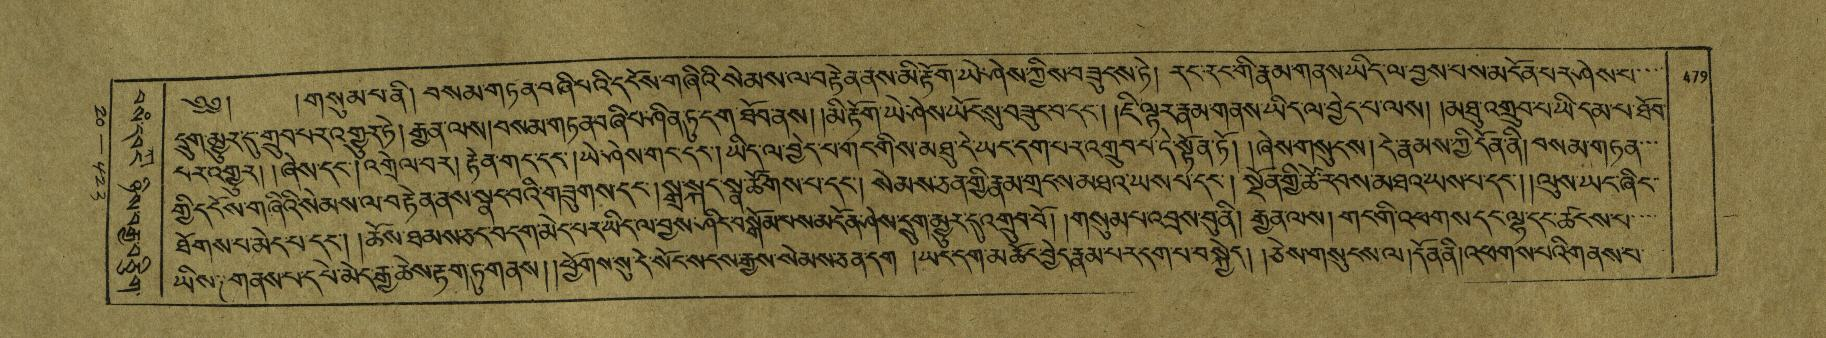༄༅། །གསུམ་པ་ནི། བསམ་གཏན་བཞི་པའི་དངོས་གཞིའི་སེམས་ལ་བརྟེན་ནས་མི་རྟོག་ཡེ་ཤེས་ཀྱིས་བཟུངས་ཏེ། རང་རང་གི་རྣམ་གནས་ཡིད་ལ་བྱས་པས་མངོན་པར་ཤེས་པ་
དྲུག་མྱུར་དུ་གྲུབ་པར་འགྱུར་ཏེ། རྒྱན་ལས། བསམ་གཏན་བཞི་པ་ཤིན་ཏུ་དག་ཐོབ་ནས། །མི་རྟོག་ཡེ་ཤེས་ཡོངྶུ་བཟུང་བ་དང་། །ཇི་ལྟར་རྣམ་གནས་ཡིད་ལ་བྱེད་པ་ལས། །མཐུ་འགྲུབ་པ་ཡི་དམ་པ་ཐོབ་
པར་འགྱུར། །ཞེས་དང་། འགྲེལ་བར། རྟེན་གང་དང་། ཡེ་ཤེས་གང་དང་། ཡིད་ལ་བྱེད་པ་གང་གིས་མཐུ་དེ་ཡང་དག་པར་འགྲུབ་པ་དེ་སྟོན་ཏོ། །ཞེས་གསུངས། དེ་རྣམས་ཀྱི་དོན་ནི། བསམ་གཏན་
གྱི་དངོས་གཞིའི་སེམས་ལ་བརྟེན་ནས་སྣང་བའི་གཟུགས་དང་། སྒྲ་སྐད་སྣ་ཚོགས་པ་དང་། སེམས་ཅན་གྱི་རྣམ་གྲངས་མཐའ་ཡས་པ་དང་། སྔོན་གྱི་ཚེ་རབས་མཐའ་ཡས་པ་དང་། །ལུས་ཡང་ཞིང་
ཐོགས་པ་མེད་པ་དང་། །ཆོས་ཐམས་ཅད་བདག་མེད་པར་ཡིད་ལ་བྱས་ཤིང་བསྒོམ་པས་མངོན་ཤེས་དྲུག་མྱུར་དུ་འགྲུབ་བོ། །གསུམ་པ་འབྲས་བུ་ནི། རྒྱན་ལས། གང་གི་འཕགས་དང་ལྷ་དང་ཚངས་པ་
ཡིས༑ གནས་པ་དཔེ་མེད་རྒྱ་ཆེས་རྟག་ཏུ་གནས། །ཕྱོགས་སུ་དེ་སོང་སངས་རྒྱས་སེམས་ཅན་དག །ཡང་དག་མཆོད་བྱེད་རྣམ་པར་དག་པ་བསྐྱེད། །ཅེས་གསུངས་ལ་།དོན་ནི། འཕགས་པའི་གནས་པ་